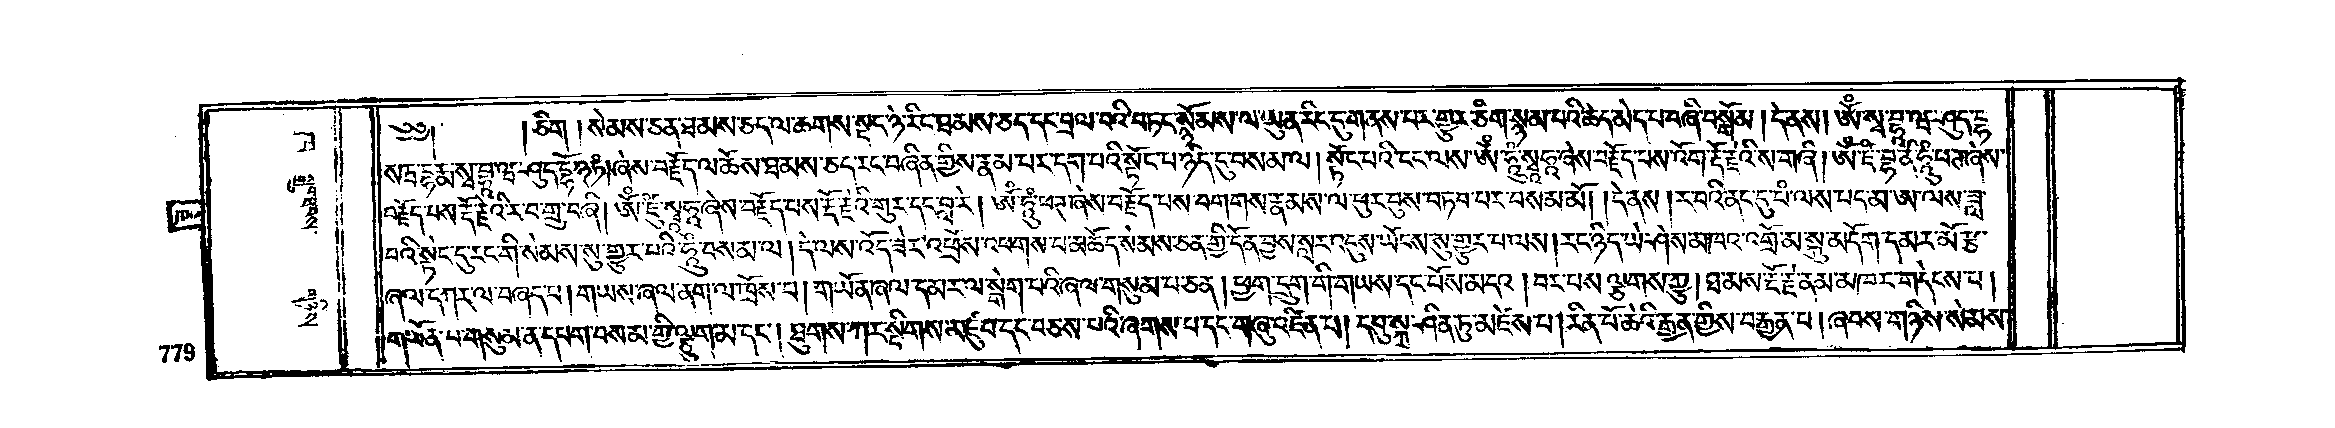༄༅། །ཅིག །སེམས་ཅན་ཐམས་ཅད་ལ་ཆགས་སྡང་ཉེ་རིང་ཐམས་ཅད་དང་བྲལ་བའི་བཏང་སྙོམས་ལ་ཡུན་རིང་དུ་གནས་པར་གྱུར་ཅིག་སྙམ་པའི་ཆེད་མེད་པ་བཞི་བསྒོམ། དེ་ནས། ཨོཾ་སྭ་བྷཱ་ཝ་ཤུད་དྷ་
སརྦ་དྷརྨ་སྭ་བྷཱ་ཝ་ཤུད་དྷོ་ཉཧཾ། ཞེས་བརྗོད་ལ་ཆོས་ཐམས་ཅད་རང་བཞིན་གྱིས་རྣམ་པར་དག་པའི་སྟོང་པ་ཉིད་དུ་བསམ་ལ། སྟོང་པའི་ངང་ལས་ཨོཾ་ཧཱུཾ་སྭཱ་ཧཱ་ཞེས་བརྗོད་པས་འོག་རྡོ་རྗེའི་ས་གཞི། ཨོཾ་ཛཾ་བྷ་ནི་ཧཱུཾ་ཕཊ་ཞེས་
བརྗོད་པས་རྡོ་རྗེའི་ར་བ་གྲུ་བཞི། ཨོཾ་ཛུཾ་སྭཱ་ཧཱ་ཞེས་བརྗོད་པས་རྡོ་རྗེའི་གུར་དང་བླ་རེ། ཨོཾ་ཧཱུཾ་ཕཊ་ཞེས་བརྗོད་པས་བགགས་?་རྣམས་ལ་ཕུར་བུས་བཏབ་པར་བསམ་མོ། །དེ་ནས། ར་བའི་ནང་དུ་པཾ་ལས་པད་མ་ཨ་ལས་ཟླ་
བའི་སྟེང་དུ་རང་གི་སེམས་སུ་གྱུར་པའི་ཧཱུཾ་བསམ་ལ། དེ་ལས་འོད་ཟེར་འཕྲོས་འཕགས་པ་མཆོད་སེམས་ཅན་གྱི་དོན་བྱས་སླར་འདུས་ཡོངས་སུ་གྱུར་པ་ལས། རང་ཉིད་ཡེ་ཤེས་མཁའ་འགྲོ་མ་སྐུ་མདོག་དམར་མོ་རྩ་
ཞལ་དཀར་ལ་བཞད་པ། གཡས་ཞལ་ནག་ལ་ཁྲོས་པ། གཡོན་ཞལ་དམར་ལ་སྒེག་པའི་ཞལ་གསུམ་པ་ཅན། ཕྱག་དྲུག་གི་གཡས་དང་པོས་མདའ། བར་པས་ལྕགས་ཀྱུ། ཐ་མས་རྡོ་རྗེ་ནམ་མཁར་གདེངས་པ།
གཡོན་པ་གསུམ་ན་དཔག་བསམ་གྱི་ལྕུག་མ་དང་། ཐུགས་ཀར་སྡིགས་མཛུབ་དང་བཅས་པའི་ཞགས་པ་དང་གཞུ་འཛིན་པ། དབུ་སྐྲ་ཤིན་ཏུ་མཛེས་པ། རིན་པོ་ཆེའི་རྒྱན་གྱིས་བརྒྱན་པ། ཞབས་གཉེས་སེམས་